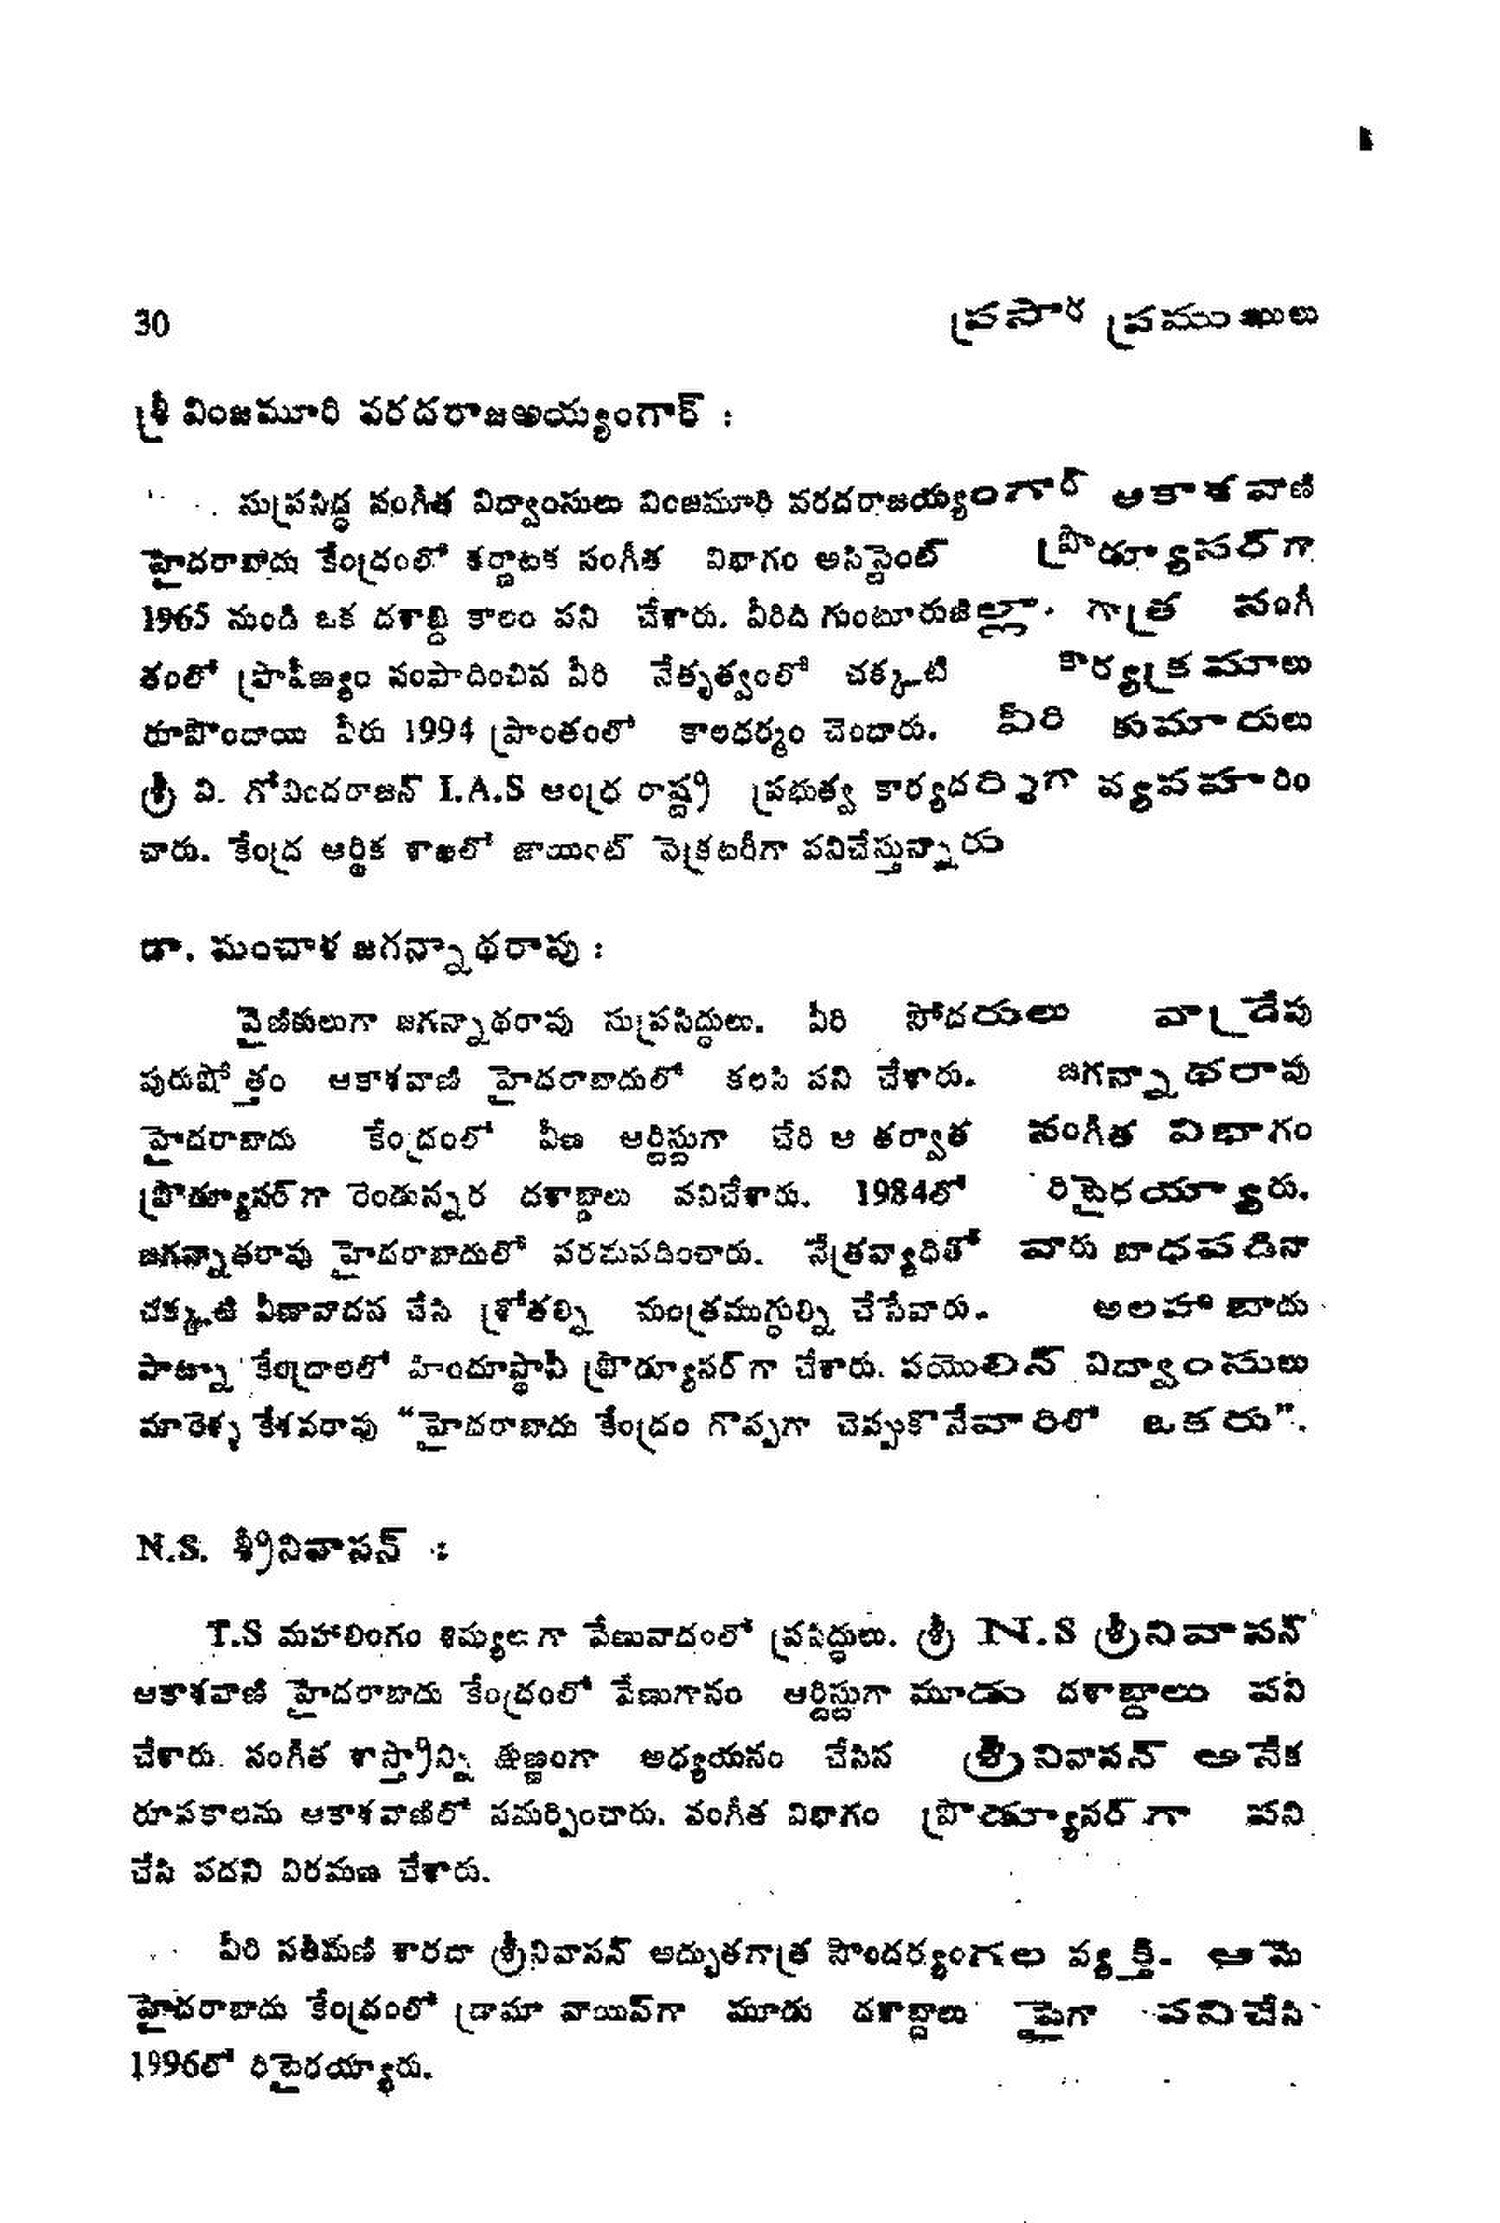సుప్రసిద్ధ సంగీత విద్వాంసులు వింజమూరి వరద రాజయ్యంగార్ ఆకాశవాణి హైదరాబాదు కేంద్రంలో కర్ణాటక సంగీత విభాగం అసిస్టెంటు ప్రొడ్యూసస్ర్ గా 1965 నుండి ఒక దశాబ్ది కాలం పని చేశారు. వీరిది గుంటూరు జిల్లా. గాత్ర సంగీతంలో ప్రావీణ్యం సంపాదించిన వీరి నేతృత్వంలో చక్కటి కార్యక్రమాల రూపొందించాయి. వీరు 1994 ప్రాంతంలో కాలధర్మం చెందారు. వీరి కుమారులు శ్రీ వి. గోవింద రాజన్ I.A.S అంధ్ర రాష్ట్ర ప్రభుత్వ్ కార్యదర్శిగా వ్వవహరించారు. కేంద్ర ఆర్థిక శాఖలో జాయింట్ సెక్రటరీగా పనిచేస్తున్నారు.

వైణికులుగా జగన్నాథరావు సుప్రసిద్ధులు. వీరి సోదరులు వాడ్రేవు పురుషోత్తం ఆకాశవాణి హైదరాబాదులో కలసి పని చేశారు. జగన్నాథరావు హైదరాబాదు కేంద్రంలో వీణ అర్టిస్టుగా చేరి ఆతర్వాత సంగీత విభాగం ప్రొడ్యుసర్ గా రెండున్నర దశాబ్దాలు పని చేశారు. 1984 లో రిటైరయ్యారు. జగన్నాథరావు హైదరాబాదులో పరమ పదించారు. నేత్ర వ్యాధి తో వారు బాధ పడినా చక్కటి వీణావాదన చేసి శ్రోతల్ని మంత్ర ముగ్ధుల్ని చేసే వారు. అలహాబాదు పాట్నా కేంద్రాలలో హిందూస్థానీ ప్రొడ్యూసర్ గా చేశారు. వయోలిన్ విద్వాంసులు మారెళ్ళ కేశవరావు హైదరాబాదు కేంద్రం గొప్పగా చెప్పుకొనే వారిలో ఒకరు.
 

T.S. మహాలింగం శిష్యులుగా వేణునాదంలో ప్రసిద్ధులు. శ్రీ ఎన్.ఎస్. శ్రీనివాసన్ ఆకాశవాణి హైదరాబాదు కేంద్రంలో వేణుగానం ఆర్టిస్టుగా మూడు దశాబ్దాలు పని చేశారు. సంగీత శాస్త్రాన్ని క్షుణ్ణంగా అధ్యయనం చేసిన శ్రీనివాసన్ అనేక రూపకాలను ఆకాశవాణిలో సమర్పించారు. సంగీత విభాగం ప్రొడ్యూసర్ గా పని చేసి పదవి విరమణ చేసారు.

వీరి సతీమణి శారదా శ్రీనివాసన్ అద్భుతగాత్ర సౌందర్యంగల వ్వక్తి. ఆమె హైదరాబాదు కేంద్రంలో డ్రామా వాయిస్ గా మూడు దశాబ్దాలు పైగా పనిచేసి 1996 లో రిటైర్ అయ్యారు.